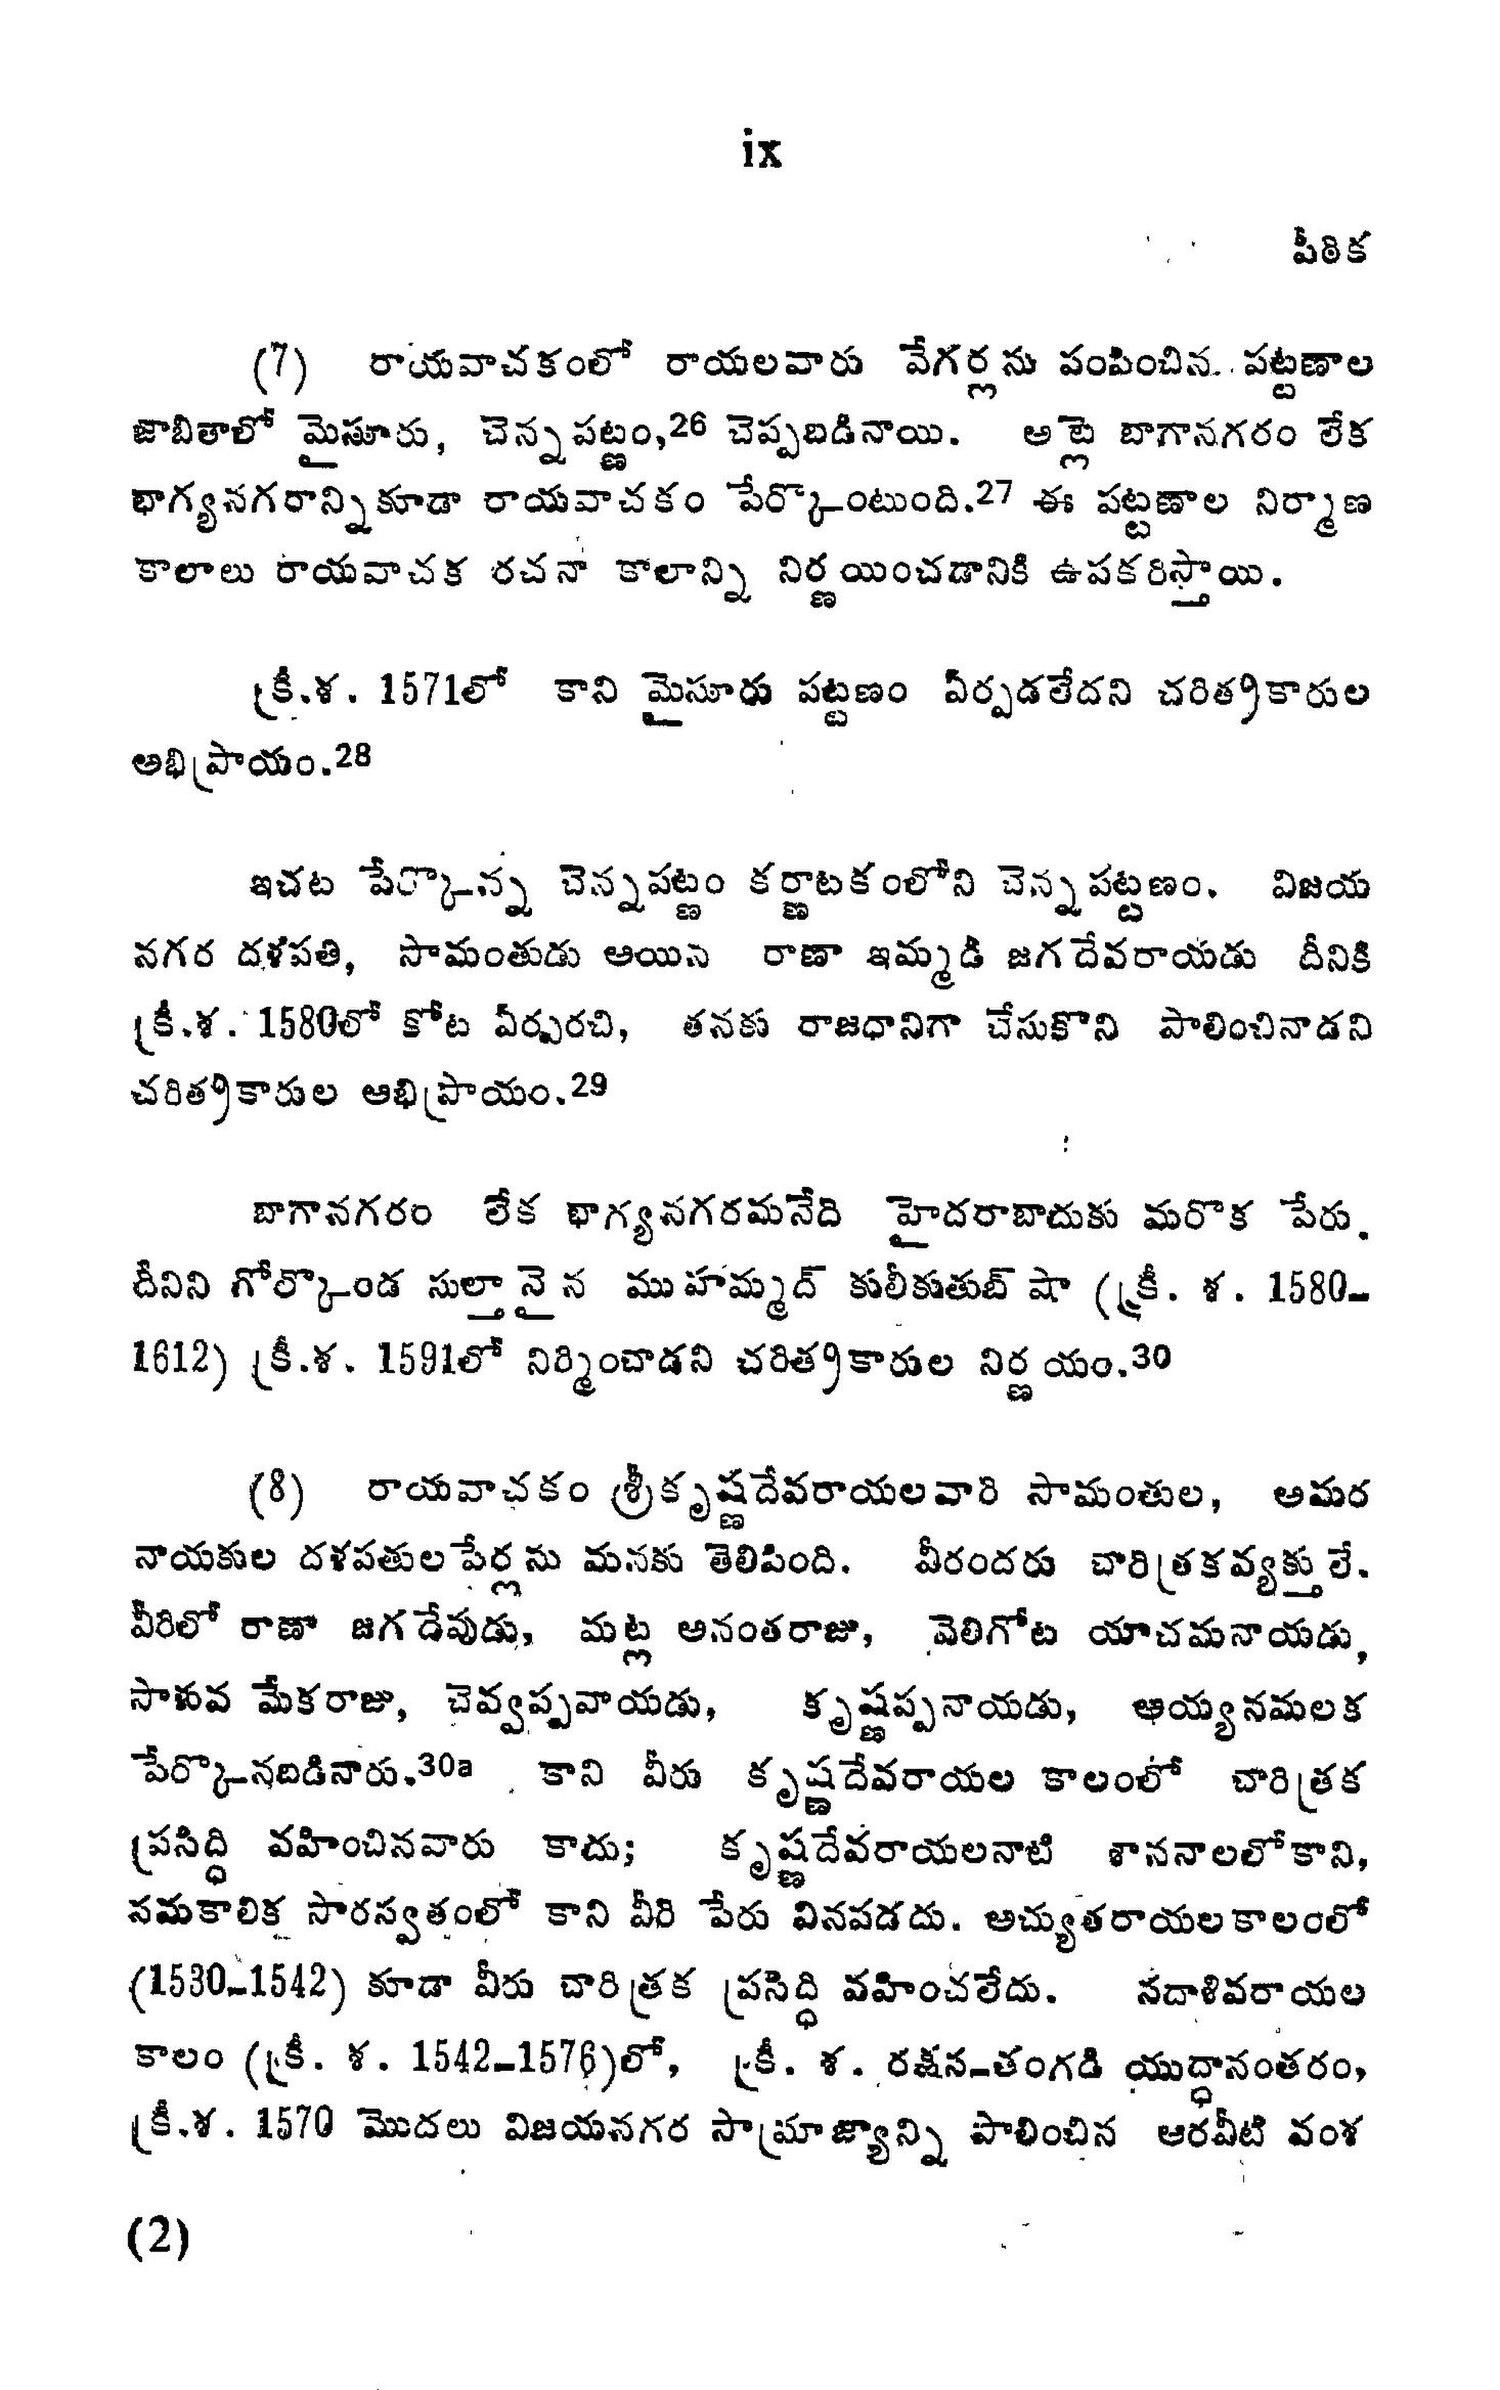(7) రాయవాచకంలో రాయలవారు వేగర్లను పంపించిన పట్టణాలజాబితాలో మైసూరు, చెన్నపట్ణం, చెప్పబడినాయి. అట్లే బాగానగరం లేక భాగ్యనగరాన్నికూడా రాయవాచకం పేర్కొంటుంది. ఈ పట్టణాల నిర్మాణకాలాలు రాయవాచక రచనాకాలాన్ని నిర్ణయించడానికి ఉపకరిస్తాయి.

క్రీ.శ. 1571లో కాని మైసూరు పట్టణం ఏర్పడలేదని చరిత్రకారుల అభిప్రాయం.

ఇచట పేర్కొన్న చెన్నపట్ణం కర్ణాటకంలోని చెన్నపట్టణం. విజయనగర దళపతి, సామంతుడు అయిన రాణా ఇమ్మడి జగదేవరాయడు దీనికి క్రీ.శ. 1580లో కోట ఏర్పరచి, తనకు రాజధానిగా చేసుకొని పాలించినాడని చరిత్రకారుల అభిప్రాయం.

బాగానగరం లేక భాగ్యనగర మనేది హైదరాబాదుకు మరొకపేరు. దీనిని గోల్కొండ సుల్తానైన ముహమ్మద్ కులీకుతుబ్ షా (క్రీ. శ. 1580-1612) క్రీ.శ. 1591లో నిర్మించాడని చరిత్రకారుల నిర్ణయం.

(8) రాయవాచకం శ్రీకృష్ణదేవరాయల వారి సామంతుల, అమర నాయకుల దళపతుల పేర్లను మనకు తెలిపింది. వీరందరు చారిత్రకవ్యక్తులే. వీరిలో రాజా జగదేవుడు, మట్ల అనంతరాజు, వెలిగోట యాచమనాయడు, సాళువ మేకరాజు, చెవ్వప్పవాయడు, కృష్ణప్పనాయడు, అయ్యనమలక పేర్కొనబడినారు. కాని వీరు కృష్ణదేవరాయలకాలంలో చారిత్రకప్రసిద్ధి వహించినవారు కాదు; కృష్ణదేవరాయలనాటి శాసనాలలోకాని, సమకాలికసారస్వతంలో కాని వీరిపేరు వినపడదు. అచ్యుతరాయలకాలంలో (1530.1542) కూడా వీరు చారిత్రకప్రసిద్ధి వహించలేదు. సదాశివరాయలకాలం (క్రీ.శ. 1542-1576)లో, క్రీ. శ. రక్షస-తంగడి యుద్ధానంతరం, క్రీ.శ. 1570 మొదలు విజయనగరసామ్రాజ్యాన్ని పాలించిన ఆరవీటి వంశ